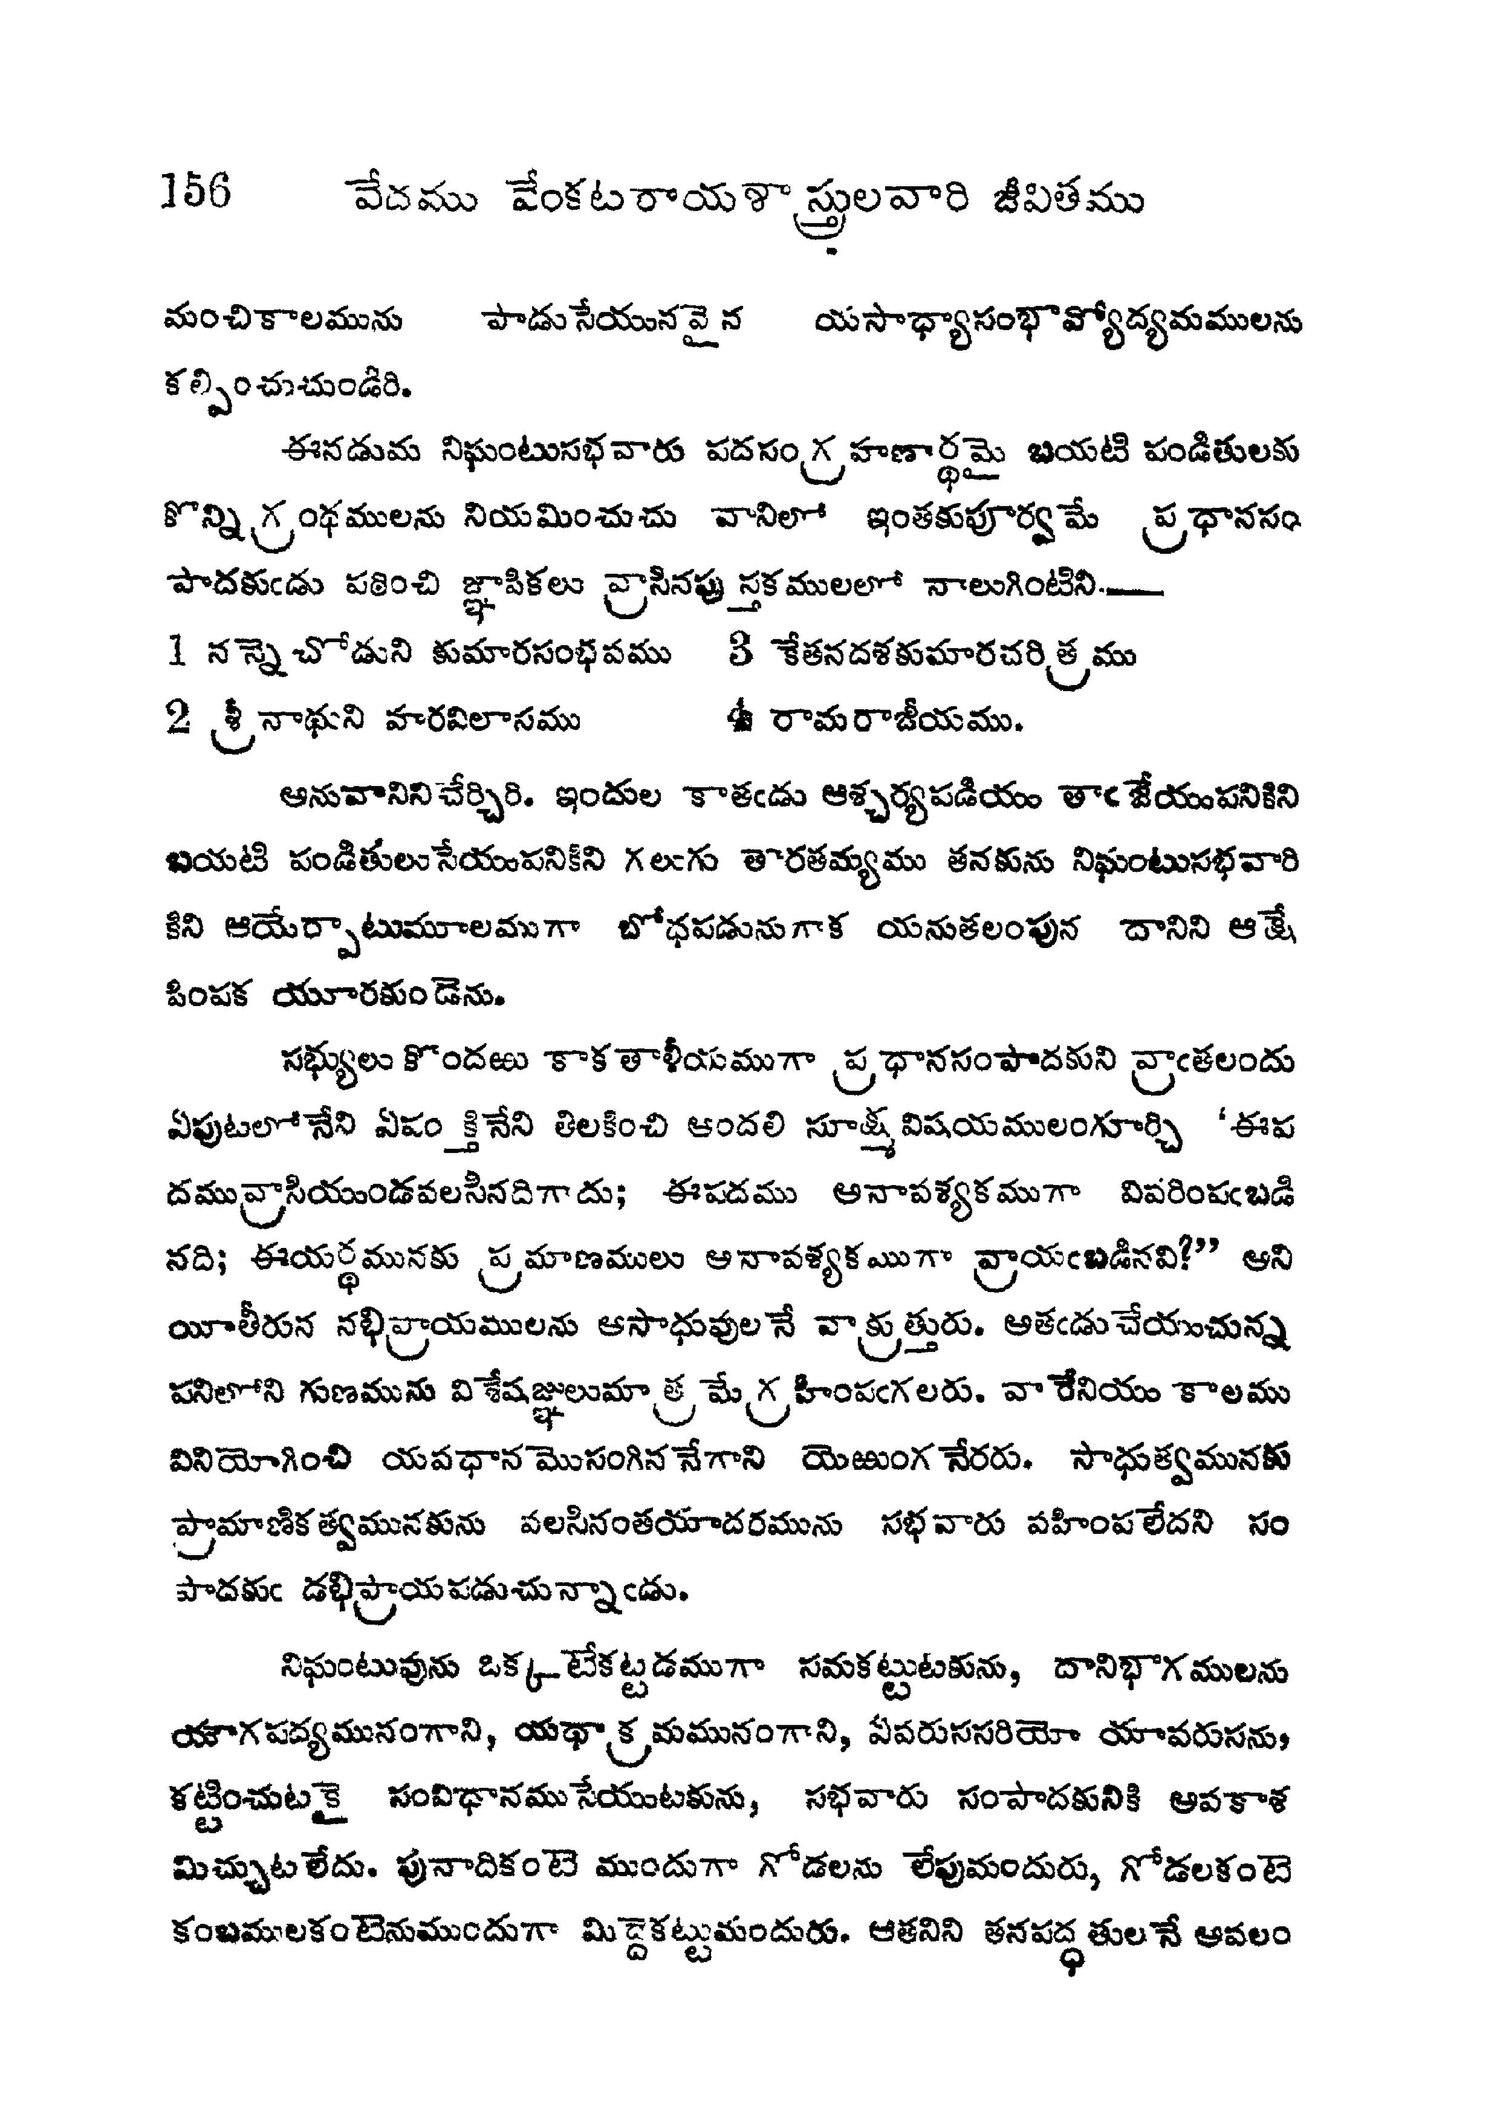మంచికాలమును పాడుసేయునవైన యసాధ్యాసంభావ్యోద్యమములను కల్పించుచుండిరి.

ఈనడుమ నిఘంటుసభవారు పదసంగ్రహణార్థమై బయటి పండితులకు కొన్నిగ్రంథములను నియమించుచు వానిలో ఇంతకుపూర్వమే ప్రధానసంపాదకుడు పఠించి జ్ఞాపికలు వ్రాసినపుస్తకములలో నాలుగింటిని-

1. నన్నెచోడుని కుమారసంభవము
2. శ్రీనాథుని హరవిలాసము
3. కేతనదశకుమారచరిత్రము
4. రామరాజీయము.

అనువానినిచేర్చిరి. ఇందుల కాతడు ఆశ్చర్యపడియు తా జేయుపనికిని బయటి పండితులుసేయుపనికిని గలుగు తారతమ్యము తనకును నిఘంటుసభవారికిని ఆయేర్పాటుమూలముగా బోధపడునుగాక యనుతలంపున దానిని ఆక్షేపింపక యూరకుండెను.

సభ్యులు కొందఱు కాకతాళీయముగా ప్రధానసంపాదకుని వ్రాతలందు ఏపుటలోనేని ఏపంక్తినేని తిలకించి అందలి సూక్ష్మ విషయములంగూర్చి 'ఈపదము వ్రాసి యుండవలసినదిగాదు; ఈపదము అనావశ్యకముగా వివరింపబడినది; ఈయర్థమునకు ప్రమాణములు అనావశ్యకముగా వ్రాయబడినవి?" అని యీతీరున నభివ్రాయములను అసాధువులనే వాక్రుత్తురు. అతడు చేయుచున్నపనిలోని గుణమును విశేషజ్ఞులుమాత్రమేగ్రహింపగలరు. వారేనియు కాలము వినియోగించి యవధానమొసంగిననేగాని యెఱుంగనేరరు. సాధుత్వమునకు ప్రామాణికత్వమునకును వలసినంతయాదరమును సభవారు వహింపలేదని సంపాదకు డభిప్రాయపడుచున్నాడు.

నిఘంటువును ఒక్కటేకట్టడముగా సమకట్టుటకును, దానిభాగములను యౌగపద్యమునంగాని, యథాక్రమమునంగాని, ఏవరుససరియో యావరుసను, కట్టించుటకై సంవిధానముసేయుటకును, సభవారు సంపాదకునికి అవకాశ మిచ్చుటలేదు. పునాదికంటె ముందుగా గోడలను లేపుమందురు, గోడలకంటె కంబములకంటెనుముందుగా మిద్దెకట్టుమందురు. ఆతనిని తనపద్ధతులనే అవలం